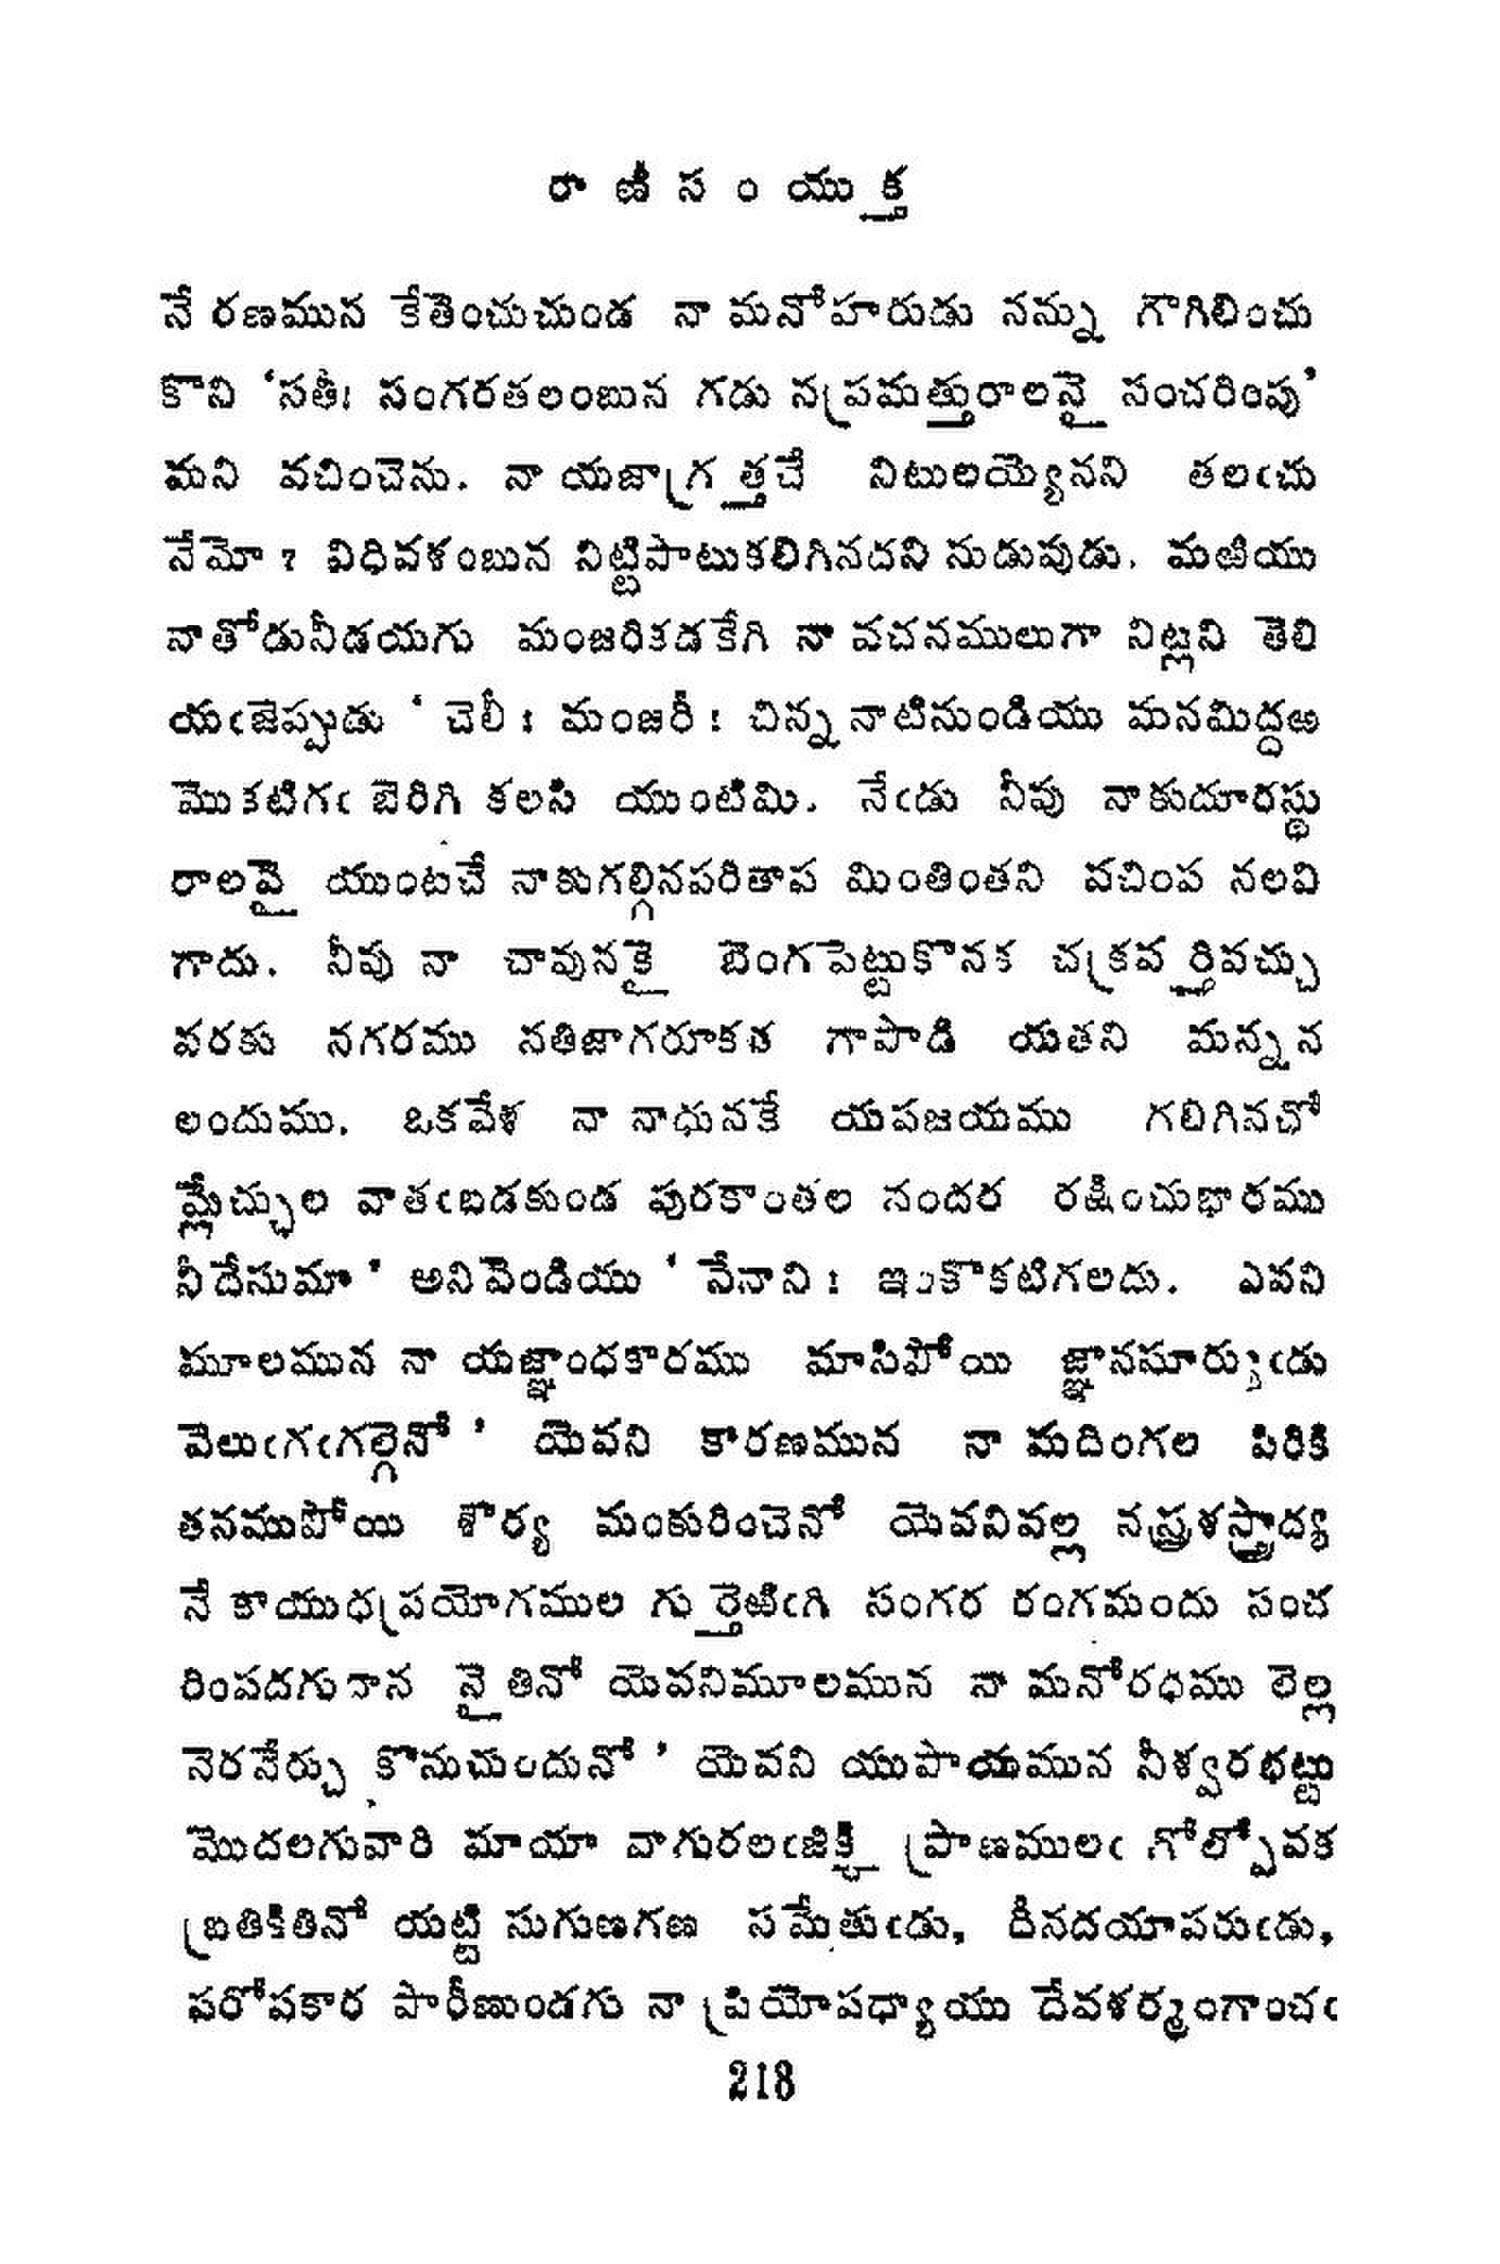నే రణమున కేతెంచుచుండ నా మనోహరుడు నన్ను గౌగిలించుకొని 'సతీ! సంగరతలంబున గడు నప్రమత్తురాలనై సంచరింపు' మని వచించెను. నా యజాగ్రత్తచే నిటులయ్యెనని తలఁచునేమో? విధివశంబున నిట్టిపాటుకలిగినదని నుడువుడు. మఱియు నాతోడునీడయగు మంజరికడకేగి నా వచనములుగా నిట్లని తెలియఁజేప్పుడు ' చెలీ ! మంజరీ : చిన్న నాటినుండియు మనమిద్దఱ మొకటిగఁ బెరిగి కలసి యుంటిమి. నేఁడు నీవు నాకుదూరస్థు రాలవై యుంటచే నాకుగల్గినపరితాప మింతింతని వచింప నలవిగాదు. నీవు నా చావునకై బెంగపెట్టుకొనక చక్రవర్తివచ్చు వరకు నగరము నతిజాగరూకత గాపాడి యతని మన్నన లందుము. ఒకవేళ నా నాధునకే యపజయము గలిగినచో మ్లేచ్చుల వాతఁబడకుండ పురకాంతల నందర రక్షించుభారము నీదేసుమా ' అనివెండియు ' సేనాని ! ఇంకొకటిగలదు. ఎవని మూలమున నా యజ్ఞాంధకారము మాసిపోయి జ్ఞానసూర్యుఁడు వెలుఁగఁగల్గెనో - యెవని కారణమున నా మదింగల పిరికితనముపోయి శౌర్య మంకురించెనో యెవవివల్ల నస్త్రశస్త్రాద్య నే కాయుధప్రయోగముల గుర్తెఱిఁగి సంగర రంగమందు సంచరింపదగుదాన నైతినో యెవనిమూలమున నీ మనోరధము లెల్ల నెరవేర్చు కొనుచుందునో ' యెవని యుపాయమున నీశ్వరభట్టు మొదలగువారి మాయా వాగురలఁజిక్కి ప్రాణములఁ గోల్పోవక బ్రతికితినో యట్టి సుగుణగణ సమేతుఁడు, దీనదయాపరుఁడు, పరోపకార పారీణుండగు నా ప్రియోపధ్యాయు దేవశర్మంగాంచఁ